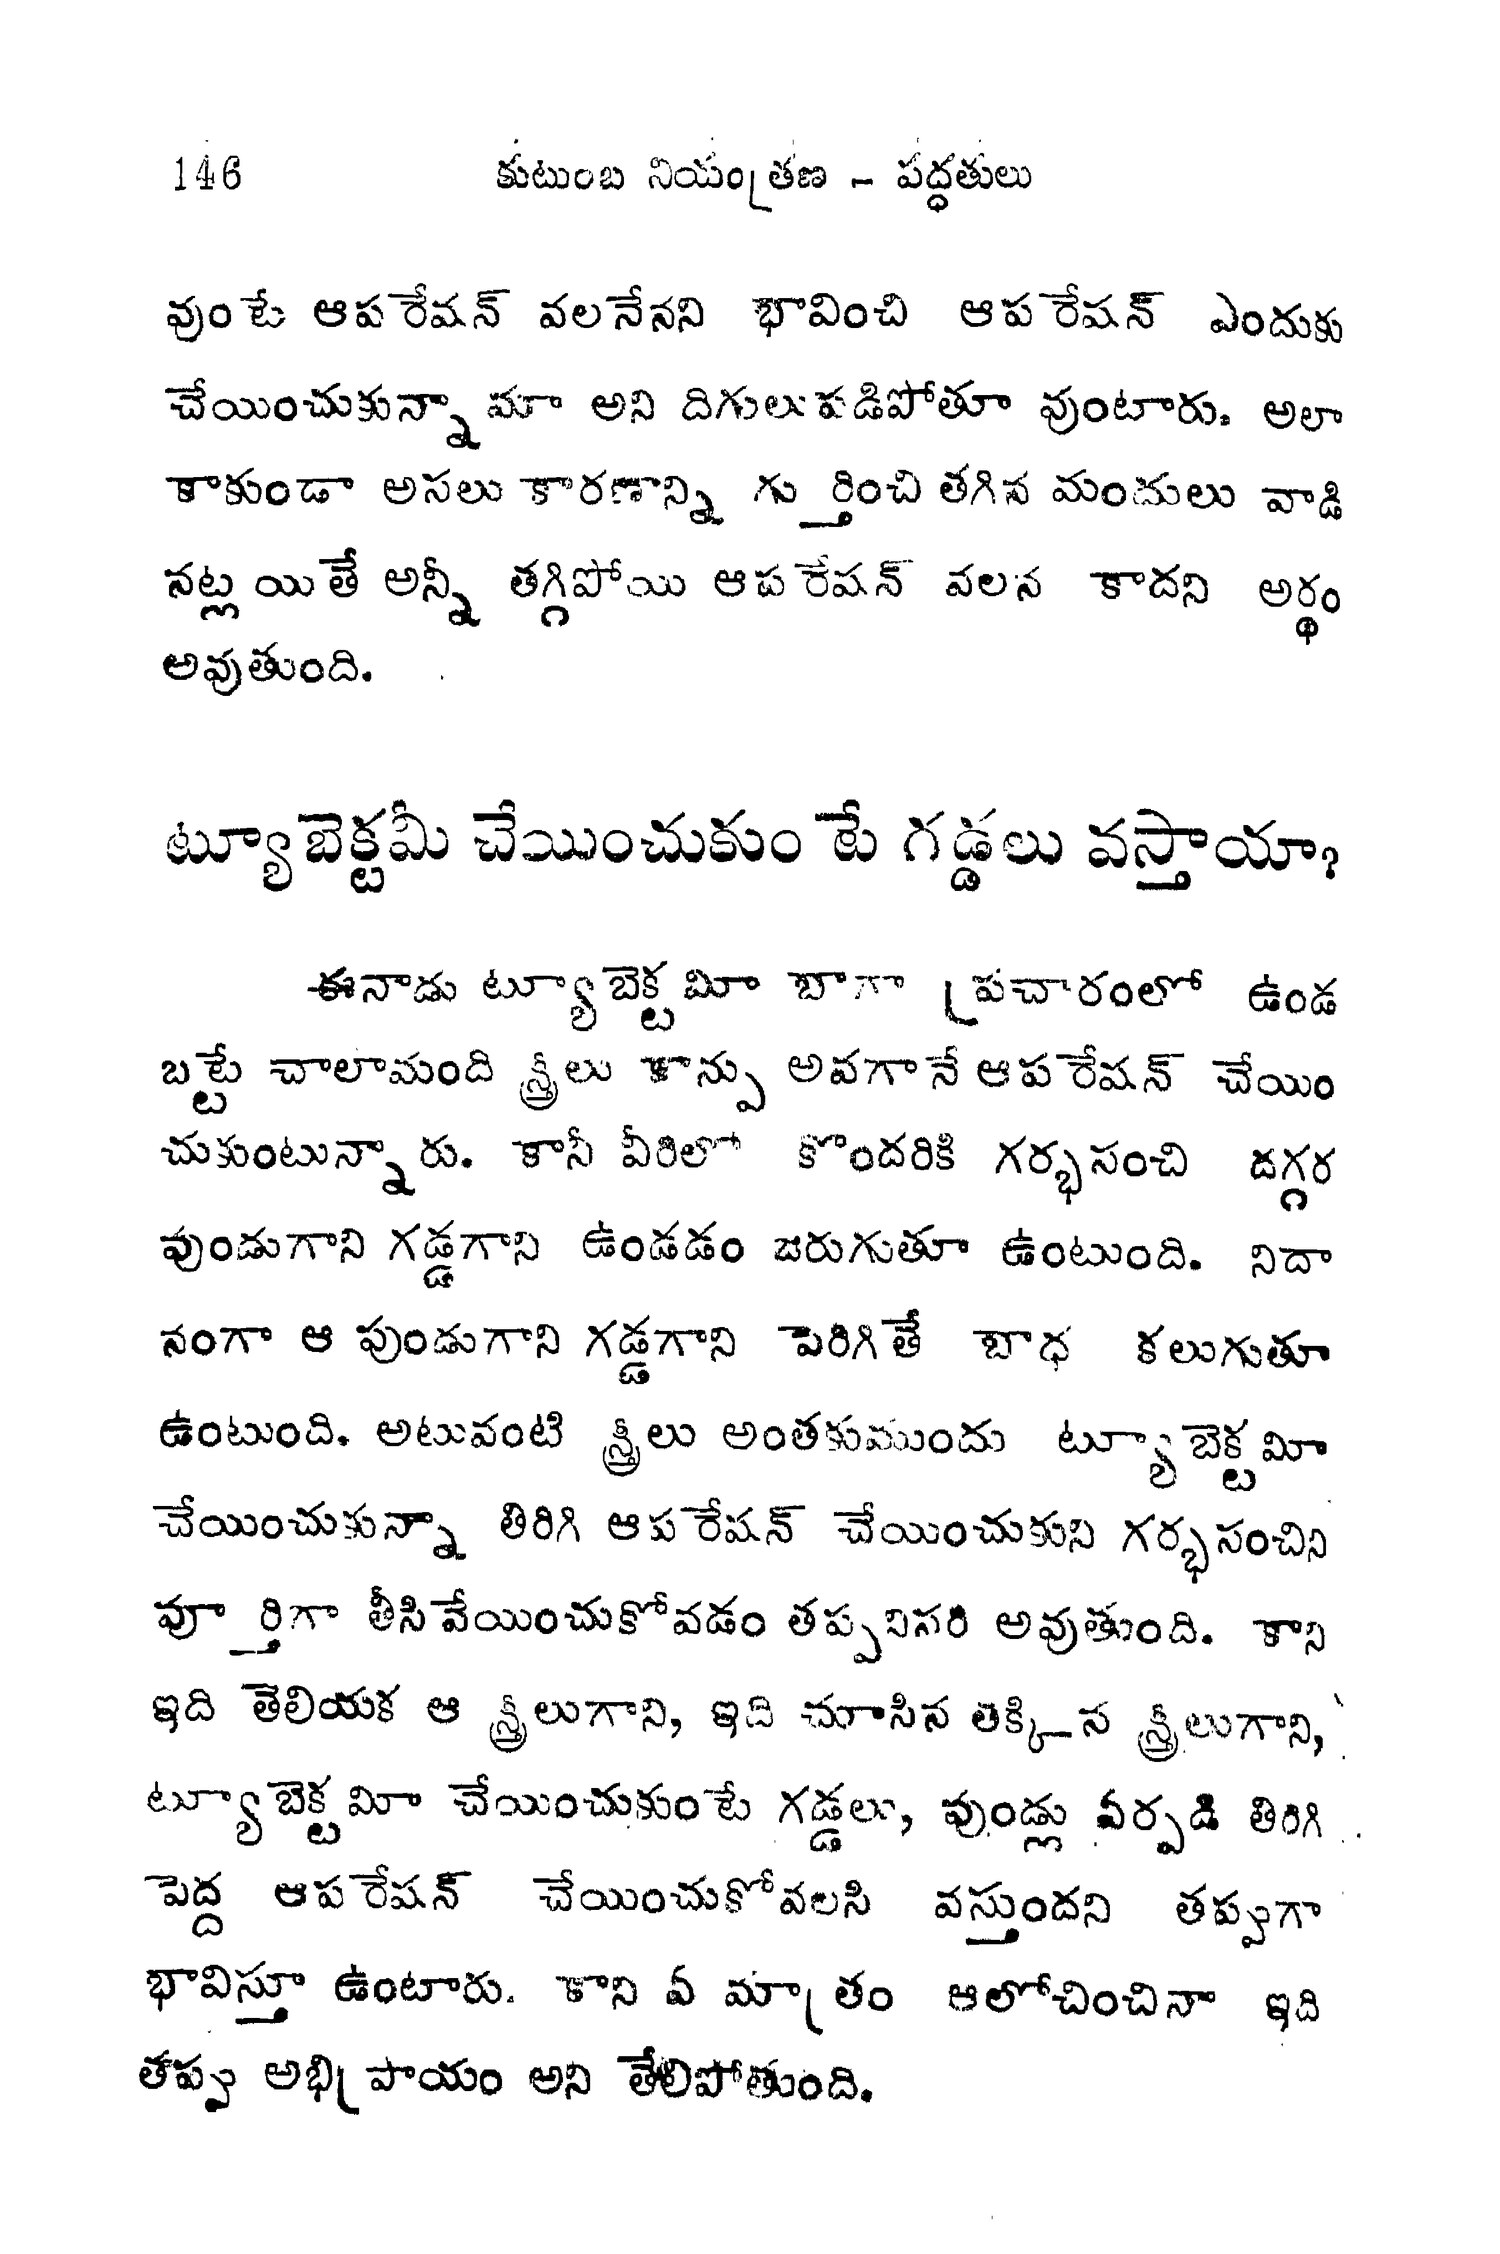వుంటే ఆపరేషన్ వలనేనని భావించి ఆపరేషన్ ఎందుకు చేయించుకున్నామా అని దిగులుపడిపోతూ వుంటారు. అలా కాకుండా అసలు కారణాన్ని గుర్తించి తగిన మందులు వాడినట్లయితే అన్నీ తగ్గిపోయి ఆపరేషన్ వలన కాదని అర్ధం అవుతుంది.

ఈనాడు ట్యూబెక్టమీ బాగా ప్రచారంలో ఉండబట్టే చాలామంది స్త్రీలు కాన్పు అవగానే ఆపరేషన్ చేయించుకుంటున్నారు. కానీ వీరిలో కొందరికి గర్భసంచి దగ్గర పుండుగాని గడ్దగాని ఉండడం జరుగుతూ ఉంటుంది. నిదానంగా ఆ పుండుగాని గడ్డగాని పెరిగితే బాధ కలుగుతూ ఉంటుంది. అటువంటి స్త్రీలు అంతకుముందు ట్యూబెక్టమీ చేయించుకున్నా తిరిగి ఆపరేషన్ చేయించుకుని గర్భసంచిని పూర్తిగా తీసివేయించుకోవడం తప్పనిసరి అవుతుంది. కాని ఇది తెలియక ఆ స్త్రీలుగాని, ఇది చూసిన తక్కిన స్త్రీలుగాని, ట్యూబెక్టమీ ఛెయించుకుంటే గడ్డలు, పుండ్లు ఏర్పడి తిరిగి పెద్ద ఆపరేషన్ చేయించుకోవలసి వస్తుందని తప్పుగా భావిస్తూ ఉంటారు. కాని ఏమాత్రం ఆలోచించినా ఇది తప్పు అభిప్రాయం అని తేలిపోతుంది.